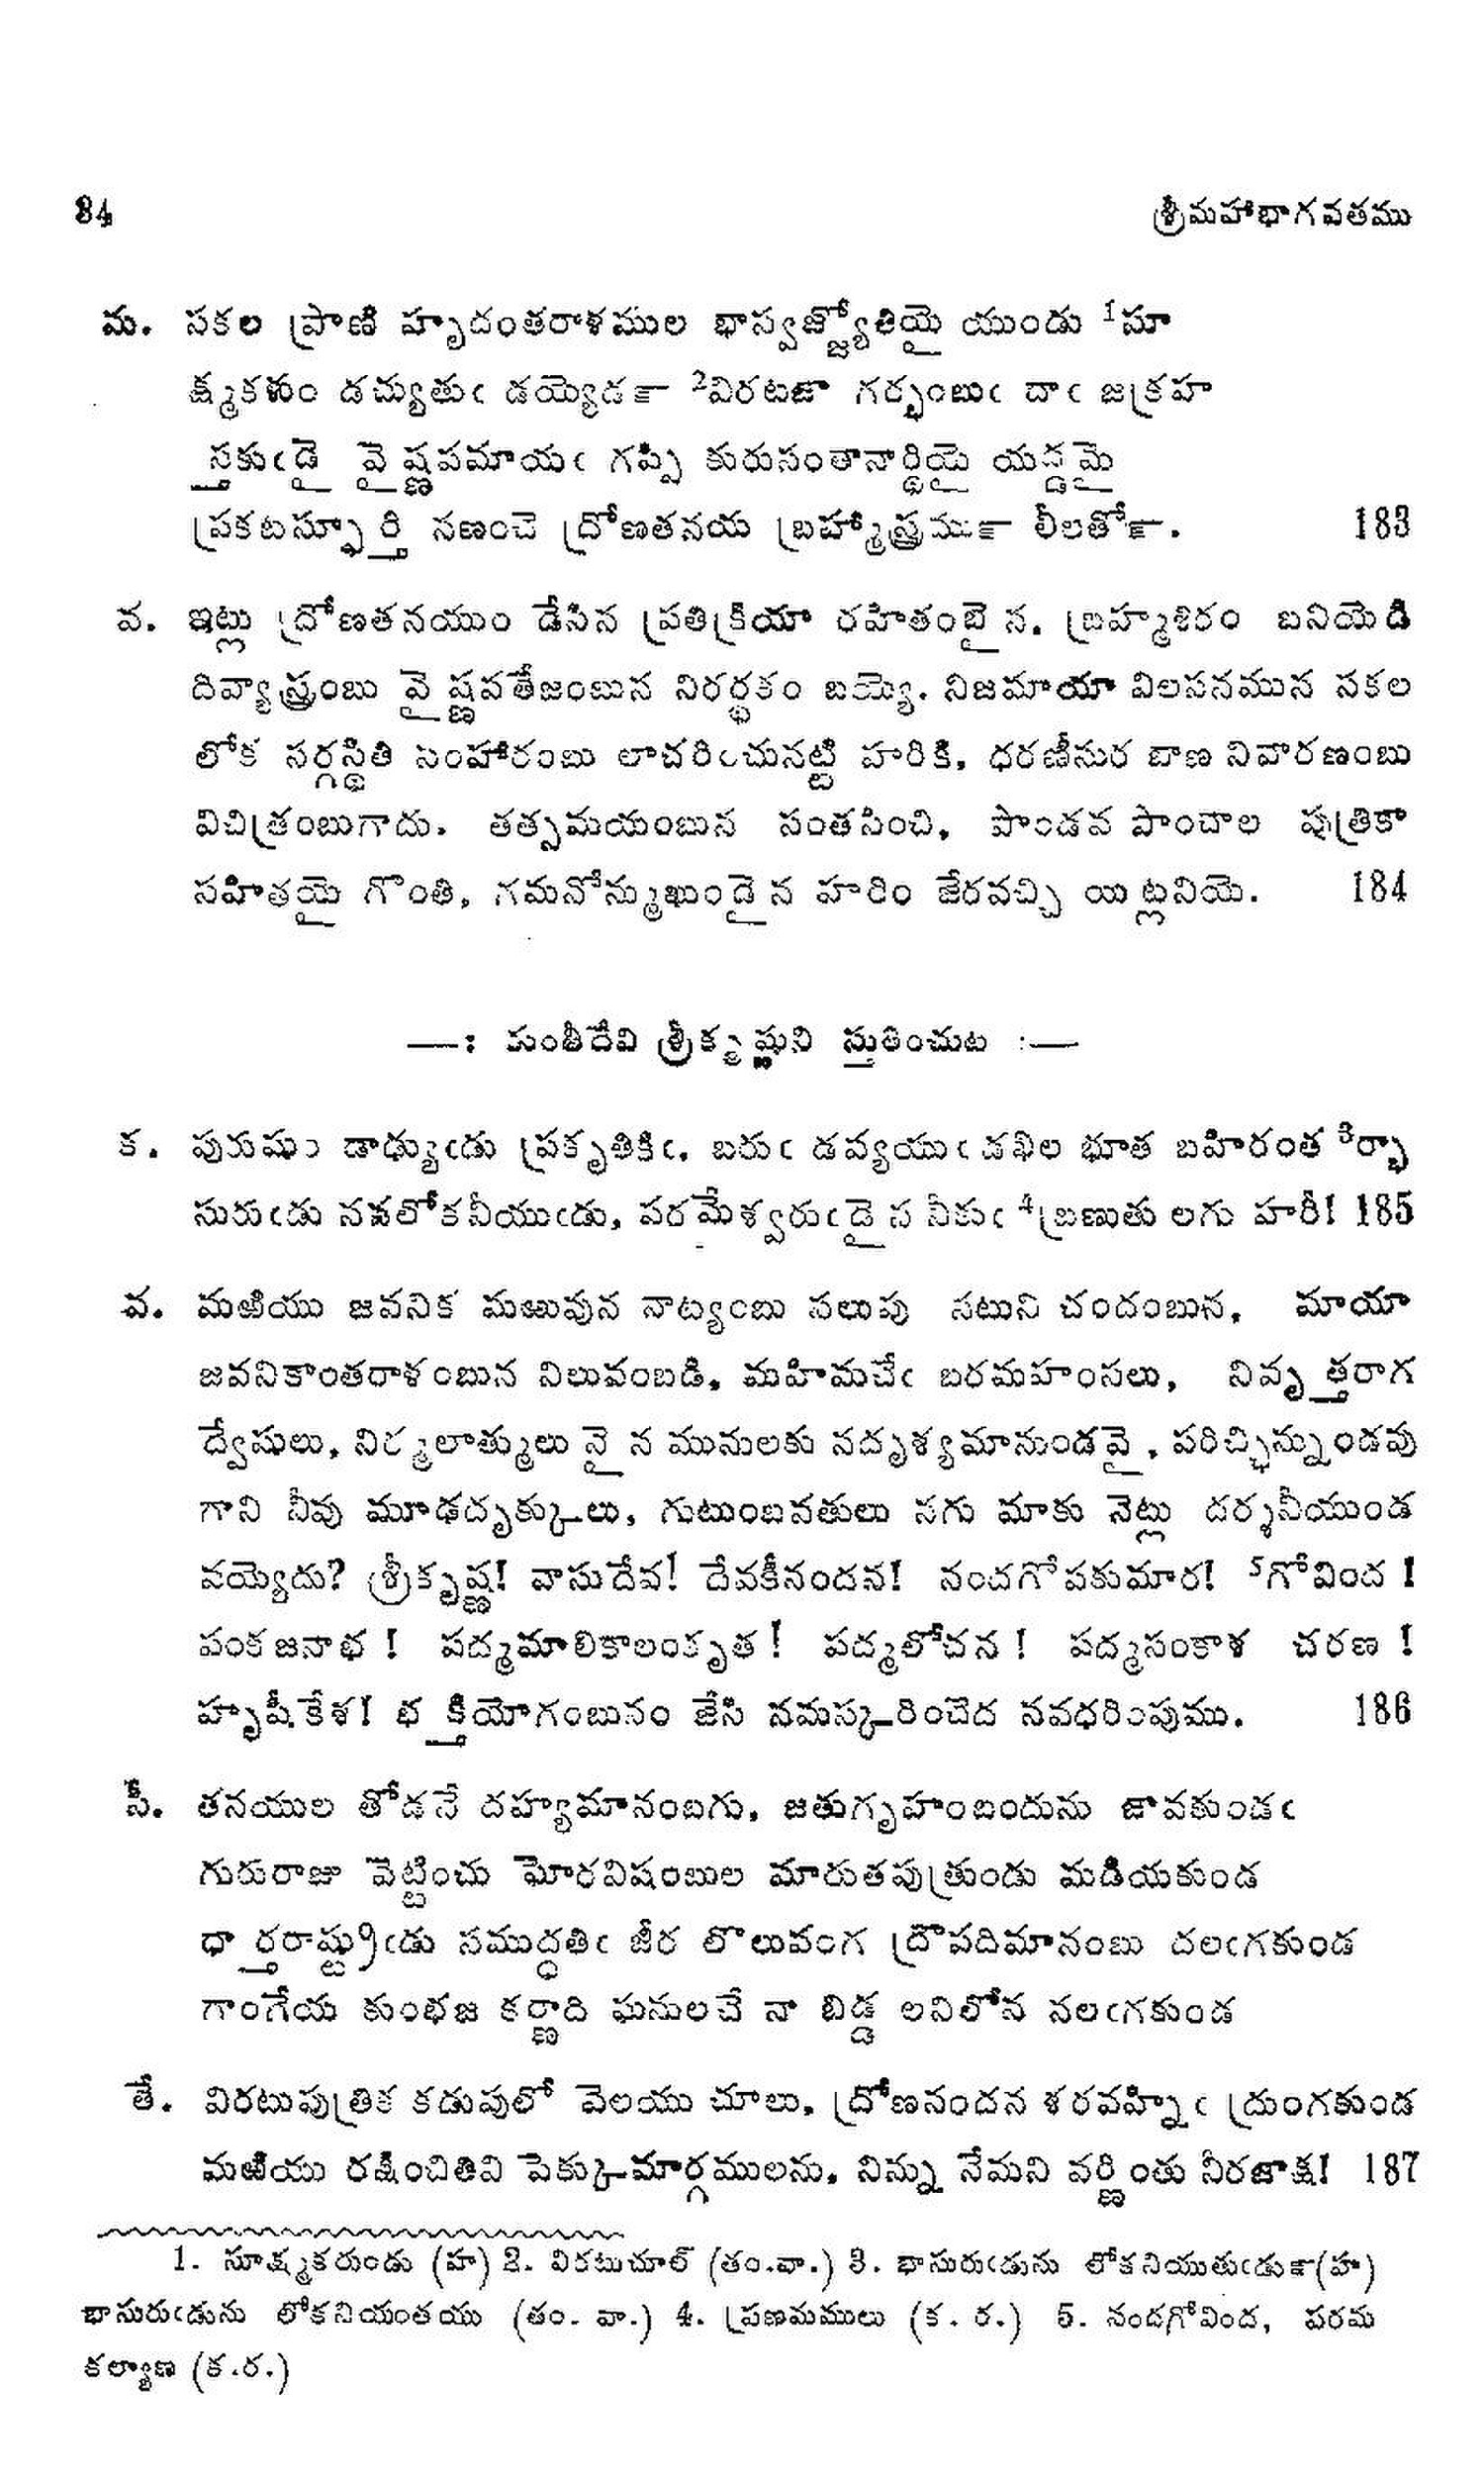34

మ. సకలప్రాణి హృదంతరాళముల భాస్వజ్జ్యోతియై యుండు సూ

క్ష్మ కళుం డచ్యుతుఁ డయ్యెడన్ విరటజా గర్భంబుఁ దాఁ జక్ర హ

స్తకుఁడై వైష్ణవమాయఁ గప్పి కురుసంతానార్థియై యడ్డమై

ప్రకటస్ఫూర్తి నణంచె ద్రోణ తనయు బ్రహ్మాస్త్రమున్ లీలతోన్. (1-183)

వ. ఇట్లు ద్రోణ తనయుం డేసిన ప్రతిక్రియా రహితంబైన బ్రహ్మశిరం బనియెడి దివ్యాస్త్రంబు వైష్ణవ తేజంబున నిరర్థకం బయ్యె. నిజమాయా విలసనమున సకల లోక సర్గ స్థితి సంహారంబు లాచరించునట్టి హరికి ధరణీసుర బాణ నివారణంబు విచిత్రంబు గాదు. తత్సమయంబున సంతసించి, పాండవ పాంచాల పుత్రికాసహితయై గొంతి, గమనోన్ముఖుండైన హరిం జేరవచ్చి యిట్లనియె. (1-184)

కం. పురుషుం డాఢ్యుఁడు ప్రకృతికిఁ , బరుఁ డవ్యయుఁ డఖిల భూత బహిరంతర్ భా

సురుఁడు నవలోకనీయుఁడు, పరమేశ్వరుఁడైన నీకుఁ బ్రణతులగు హరీ ! (1-185)

వ. మఱియు జవనిక మఱువున నాట్యంబు సలుపు నటుని చందంబున మాయా జవనికాంతరాళంబున నిలువంబడి మహిమచేఁ బరమహంసలు నివృత్త రాగద్వేషులు నిర్మలాత్ములు నైన మునులకు నదృశ్యమానుండవై పరిచ్ఛిన్నుండవు గాని నీవు మూఢదృక్కులుఁ గుటుంబవతులు నగు మాకు నెట్లు దర్శనీయుండవయ్యెదు ? శ్రీకృష్ణ ! వాసుదేవ ! దేవకీనందన ! నందగోప కుమార ! గోవింద ! పంకజనాభ ! పద్మమాలాలంకృత ! పద్మలోచన ! పద్మసంకాశ చరణ ! హృషీకేశ ! భక్తియోగంబునం జేసి నమస్కరించెద నవధరింపుము. (1-186)
 

సీ. తనయుల తోడనే దహ్యమానంబగు, జతుగృహంబందును జావకుండఁ

గురురాజు వెట్టించు ఘోరవిషంబుల, మారుత పుత్త్రుండు మడియకుండ

ధార్తరాష్ట్రుఁడు సముద్ధతిఁ జీర లొలువంగ, ద్రౌపది మానంబు దలఁగకుండ

గాంగేయ కుంభజ కర్ణాది ఘనులచే, నా బిడ్డ లనిలోన నలఁగకుండ

తే.గీ. విరటు పుత్త్రిక కడుపులో వెలయు చూలు, ద్రోణనందను శరవహ్నిఁ ద్రుంగకుండ

మఱియు రక్షింతివి పెక్కు మార్గములను, నిన్ను నేమని వర్ణింతు నీరజాక్ష ! (1-187)